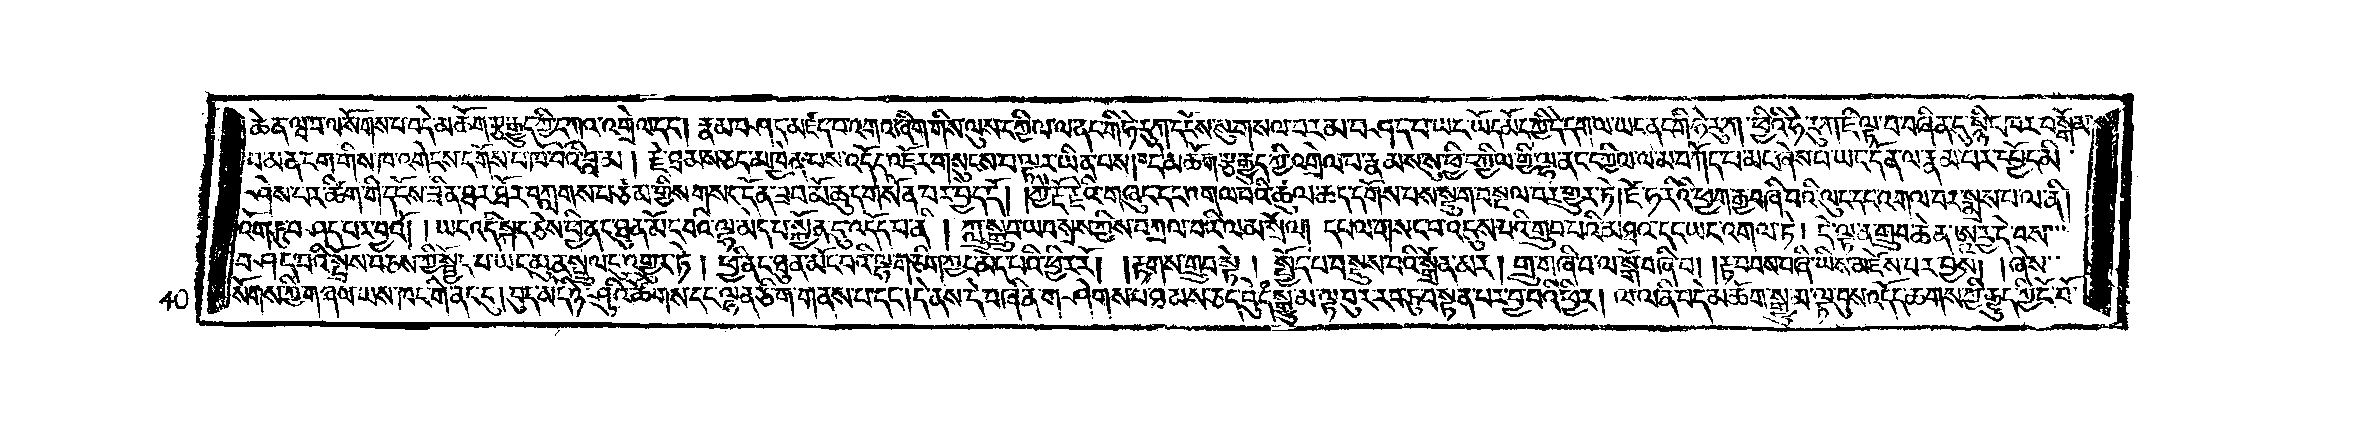ཆེན་ཝ་བ་ལ་སོགས་པ་བདེ་མཆོག་རྩ་རྒྱུད་ཀྱི་དཀའ་འགྲེལ་དང་། རྣམ་བཤད་མཛད་པ་འགའ་ཞིག་གིས་ལུས་དཀྱིལ་ལ་ནང་གི་ཧེ་རུ་ཀ་དངོས་སུ་བསལ་བར་མ་བཤད་པ་ཡང་ཡོད་མོད་ཀྱི་དེ་དག་ལ་ཡང་ནང་གི་ཧེ་རུ་ཀ་ཕྱིའི་ཧེ་རུ་ཀ་ཇི་ལྟ་བ་བཞིན་དུ་སྙིང་ཁར་བསྒོམ་
པ་མན་ངག་གིས་ཁ་འགེངས་དགོས་པ་ཁོ་བོའི་བླ་མ། རྗེ་ཐམས་ཅད་མཁྱེན་པས་འདོད་འཇོར་གསུངས་པ་ལྟར་ཡིན་པས། བདེ་མཆོག་རྩ་རྒྱུད་ཀྱི་འགྲེལ་པ་རྣམས་སུ་ཕྱི་དཀྱིལ་གྱི་ལྷ་ནང་དཀྱིལ་ལ་མ་བཀོད་པ་མང་ཞེས་བ་ཡང་དོན་ལ་རྣམ་པར་དཔྱོད་མི་
ཤེས་པར་ཚིག་གི་དངོས་ཟིན་ཐར་ཐོར་བཀླགས་པ་རྩམ་གྱིས་གསང་དོན་ཟབ་མོ་ཆུང་གསོན་པར་བྱེད་དོ། །ཀྱཻ་རྡོ་རྗེའི་གཟུང་དང་འགལ་བའི་ཚུལ་ཆད་དགོས་པས་སྡུག་བསྔལ་བར་གྱུར་ཏེ། ཇོ་ཧ་རིའི་ཕྱག་རྒྱ་བཞི་བའི་ལུང་དང་འགལ་བར་སྨྲས་པ་ལ་ནི།
འོག་ཏུ་བཤད་པར་བྱའོ། །ཡང་འདི་སྐད་ཅེས་ཕྱི་ནང་ཐུན་མོང་བའི་ལྷ་མེད་པ་སྐྱོན་དུ་འདོད་པ་ནི། ཀླུ་སྒྲུབ་ཡབ་སྲས་ཀྱིས་བཀྲལ་བའི་ལམ་སྲོལ། དཔལ་བསང་བ་འདུས་པའི་གྲུབ་པའི་མཐའ་དང་ཡང་འགལ་ཏེ། དེ་ལྟ་ན་གྲུབ་ཆེན་ཨཱ་རྱ་དེ་བས་
བཤད་པའི་སྤྲོས་བཅས་ཀྱི་སྦྱོང་བ་ཡང་མུན་སྤྲུལ་དུ་འགྱུར་ཏེ། ཕྱི་ནང་ཐུན་མོང་བའི་ལྷ་གཅིག་ཀྱང་མེད་པའི་ཕྱིར་རོ། །རྟག་གྲུབ་སྟེ། སྤྱོད་པ་བསྡུས་པའི་སྒྲོན་མར། གྲུབ་བཞི་བ་ལ་སྒོ་བཞི་བ། རྟ་བབས་པ་ཞི་ཡིས་མཛེས་པར་བྱས། །ཞེས་
སོགས་ཀྱི་གཞལ་ཡས་ཁང་གི་ནང་དུ། བུད་མེད་ཉི་ཤུའི་ཚོགས་དང་ལྷན་ཅིག་གནས་པ་དང་། དེ་ནས་དེ་བཞིན་གཤེགས་པ་ཐམས་ཅད་བོད་སྒྱུར་མ་ལྟ་བུར་རབ་ཏུ་བསྟན་པར་བྱ་བའི་ཕྱིར། ལ་ལ་ནི་བདེ་མཆོག་སྒྱུ་མ་ལྟ་བུས་འདོད་ཆགས་ཀྱི་རྒྱུད་ཀྱི་ངོ་བོ་